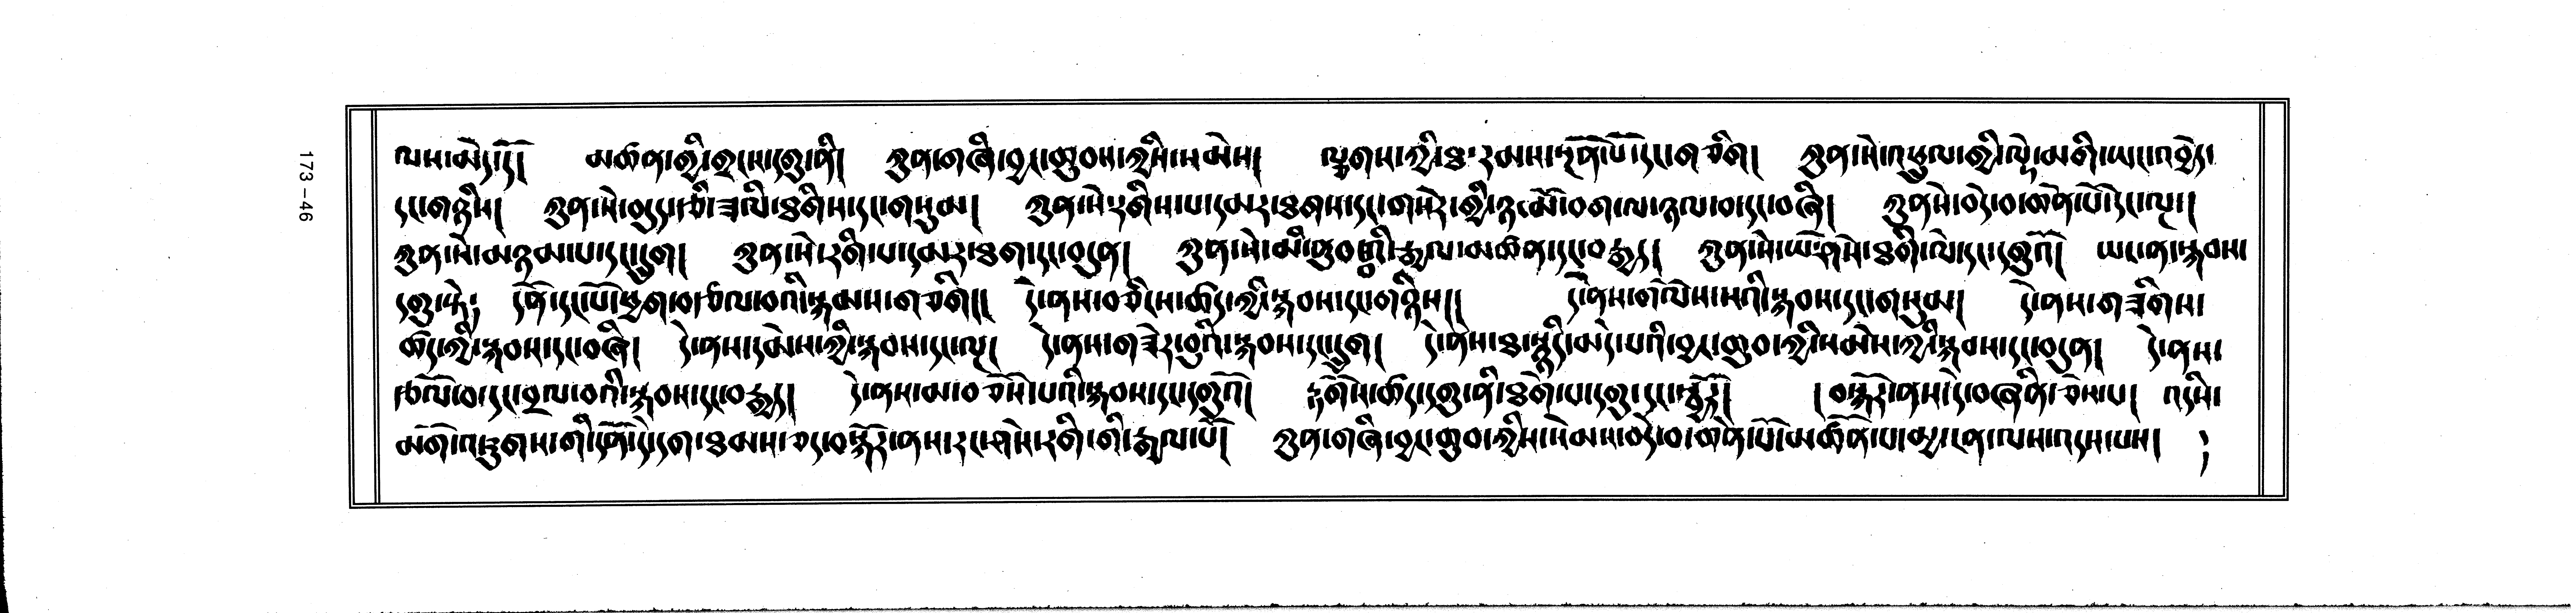ལས་མེད་དོ། །མཚན་གྱི་གྲངས་དགུ་ནི། ཀུན་གཞི་བྱང་ཆུབ་ཀྱི་སེམས། ལྕགས་ཀྱི་ཐ་རམ་སྔོན་པོ་དང་གཅིག ཀུན་སེ་༼ཤེས༽འཕྲུལ་གྱི་ལྡེ་མིག་ཡང་འབྱེད་
དང་གཉིས། ཀུན་སེ་བདུད་རྩི་ཟིལ་ཐིགས་དང་གསུམ། ཀུན་སེ་རིག་པ་དམར་ཐག་དང་། གསེར་གྱི་ཉ་མོ་བག་ལ་ཉལ་བ་དང་བཞི། ཀུན་སེ་བདེ་བ་ཆེན་པོ་དང་ལྔ། 
ཀུན་སེ་མཉམ་པ་དང་དྲུག ཀུན་སེ་རིག་པ་དམར་ཐག་དང་བདུན། ཀུན་སེ་མི་ནུབ་པའི་རྒྱལ་མཚན་དང་བརྒྱད། ཀུན་སེ་ཡེ་ཤེས་ཐིག་ལེ་དང་དགུའོ། །ཡང་ན་སྐབས་
དགུ་སྟེ། དོན་དང་པོ་ཕྱག་བཙལ་བའི་སྐབས་གཅིག དེ་ནས་བཅིངས་ཚད་ཀྱི་སྐབས་དང་གཉིས། དེ་ནས་གོལ་སའི་སྐབས་དང་གསུམ། དེ་ནས་གཟིགས་
ཚད་ཀྱི་སྐབས་དང་བཞི། དེ་ནས་དེམས་ཀྱི་སྐབས་དང་ལྔ། དེ་ནས་གཟེར་བུའི་སྐབས་དང་དྲུག དེ་ནས་ཐ་སྙད་མེད་པའི་བྱང་ཆུབ་ཀྱི་སེམས་ཀྱི་སྐབས་དང་བདུན། དེ་ནས་
རྩོལ་བ་དང་བྲལ་བའི་སྐབས་དང་བརྒྱད། དེ་ནས་མ་བཅོས་པའི་སྐབས་དང་དགུའོ། རྟོགས་ཚད་དགུ་ནི་ཐེག་པ་དགུ་དང་སྦྱར་རོ། །བསྐོར་ནས་དེ་བཞིན་ཅེས་པ། འདིས་
འགོ་མཇུག་གི་དོན་དེ་དག་ཐམས་ཅད་བསྐོར་ནས་རང་ཤེས་རིག་པའི་རྒྱལ་པོ། ཀུན་གཞི་བྱང་ཆུབ་ཀྱི་སེམས་བདེ་བ་ཆེན་པོ་མཚོན་པ་མྱ་ངན་ལས་འདས་པས།